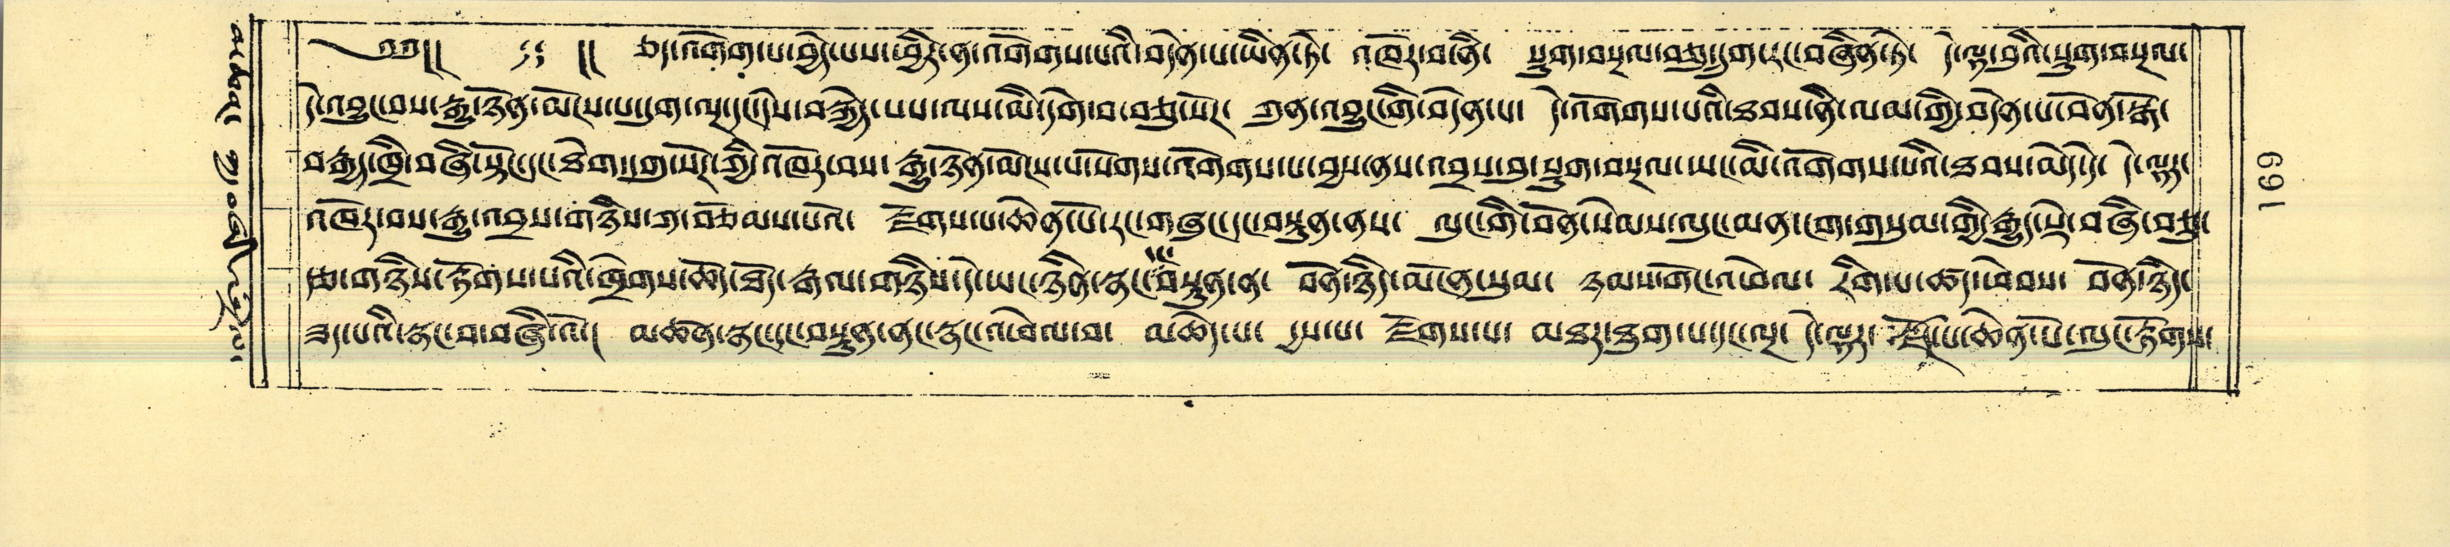ཅད་འགོག་པར་བྱེད་པའི་ཕྱིར་ན་འགོག་པའི་བདེན་པ་ཡིན་ཏེ། འཁོར་བ་ནི། སྡུག་བསྔལ་བཅུ་དྲུག་རང་བཞིན་ཏེ། དེ་ལྟ་བུའི་སྡུག་བསྔལ་
དེ་འབྱུང་བས་རྒྱུ་ཉོན་མོངས་པ་དུག་ལྔ་དང་དེས་བསྐྱེད་པས་ལས་མི་དགེ་བ་བཅུ་སོགས་ཀུན་འབྱུང་གི་བདེན་པ་དེ་འགོག་པའི་ཐབས་ནི་ལམ་གྱི་བདེན་པ་བོན་སྒོ་
བརྒྱད་ཁྲི་བཞི་སྟོང་དང་ཐེག་དགུ་སོགས་སོགས་འཁོར་བས་རྒྱུ་ཉོན་མོངས་པ་སོགས་འགོག་པ་བྱས་ནས་འབྲས་བུ་སྡུག་བསྔལ་ཡང་མི་འགོག་པའི་ཐབས་མེད་དེ། དེ་ལྟར་
འཁོར་བའི་རྒྱུ་འབྲས་གཉིས་ཀ་བཅོམ་པའོ། རྫོགས་པ་ཆེན་པོ་རང་གཞུང་དང་བསྟུན་ནས་ལུང་གི་བོན་སེམས་ལུང་མན་ངག་གསུམ་གྱི་རྒྱུད་སྡེ་བཞི་བཅུ་
རྩ་གཉིས་རྟོགས་པའི་ཁྲེགས་ཆོད་ཐོད་རྒལ་གཉིས་དེ་ཡང་ཉིན་སྣང་དང་བསྟུན་ན་བོན་ཉིད་མངོན་སུམ་ཉམས་གོང་འཕེལ་རིག་པ་ཚད་ཕེབས་བོན་ཉིད་
ཟད་པའི་སྣང་བ་བཞིའོ། མཚན་སྣང་དང་མཐུན་སྣང་བ་འཕེལ་བ་མཆེད་པ་རྒྱས་པ་རྫོགས་པ་མཐར་ཐུག་པ་དང་ལྔ་དེ་ལྟར་རྫོགས་པ་ཆེན་པོ་ལུང་རྟོགས་